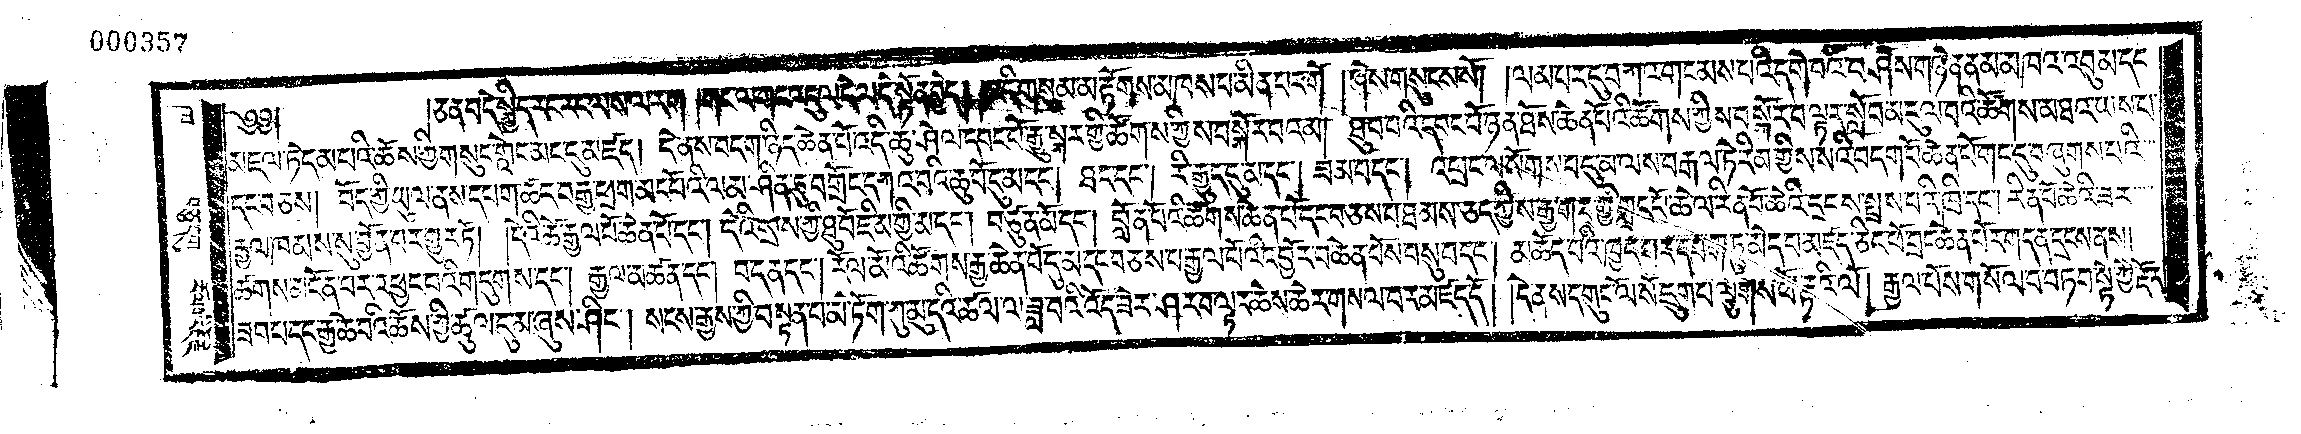༄༅། །ཅན་བདེ་སྐྱིད་རང་རང་ལས་ལ་རག །གང་ལ་གང་འདུལ་དེ་ལ་དེ་སྟོན་བྱེད། །འདི་གསུམ་མ་རྟོགས་མཁས་པ་མིན་བར་གོ །ཞེས་གསུངས་སོ། །ལམ་བར་དུ་བཀའ་གདམས་པའི་དགེ་བའི་བཤེས་གཉེན་ནམ་མཁའ་འབུམ་དང་
མཇལ་ཏེ་དམ་པའི་ཆོས་ཀྱི་གསུང་གླེང་མང་དུ་མཛད། དེ་ནས་བདག་ཉིད་ཆེན་པོ་འདི་ཆུ་ཤེལ་དབང་པོ་རྒྱུ་སྐར་གྱི་ཚོགས་ཀྱིས་བསྐོར་བའམ། ཐུབ་པའི་དབང་པོ་ཉན་ཐོས་ཆེན་པོའི་ཚོགས་ཀྱིས་བསྐོར་བ་ལྟར་སློབ་མ་དུལ་བའི་ཚོགས་མཐའ་ཡས་པ་
དང་བཅས། བོད་ཀྱི་ཡུལ་ནས་དཔག་ཚད་བརྒྱ་ཕྲག་མང་པོའི་ལམ་ཤིན་ཏུ་བགྲོང་དཀའ་བའི་ཆུ་པོ་དུམ་དང་། ཐང་དང་། རི་རྒྱུད་དུ་མ་དང་། ཟམ་པ་དང་། འཕྲང་ལ་སོགས་བ་དུ་མ་ལས་བརྒལ་ཏེ་རིམ་གྱིས་སའི་བདག་པོ་ཆེན་པོ་གང་དུ་བཞུགས་པའི་
རྒྱལ་ཁམས་སུ་བྱོན་པར་གྱུར་ཏོ། །དེའི་ཚེ་རྒྱལ་པོ་ཆེན་པོ་དང་། དེའི་སྲས་ཀྱི་ཐུ་བོ་ཇི་མ་གྱིམ་དང་། བཙུན་མོ་དང་། བློན་པོའི་ཚོགས་ཆེན་པོ་དང་བཅས་པ་ཐམས་ཅད་ཀྱིས་རྒྱ་གར་གྱི་གླང་པོ་ཆེ་ལ་རིན་པོ་ཆེའི་དྲ་བས་སྤྲས་པའི་ཁྲི་དང་། རིན་པོ་ཆེའི་ཟར་
ཚགས་མངོན་པར་འཕྱང་བའི་གདུགས་དང་། རྒྱལ་མཚན་དང་། བ་དན་དང་། རོལ་མོའི་ཚོགས་རྒྱ་ཆེན་པོ་དུ་མ་དང་བཅས་པ་རྒྱལ་པོའི་འབྱོར་བ་ཆེན་པོས་བསུ་བ་དང་། མཆོད་པའི་ཁྱད་པར་དཔག་ཏུ་མེད་པ་མཛད་ཅིང་ཕོ་བྲང་ཆེན་པོར་གདན་དྲངས་ནས།
ཟབ་པ་དང་རྒྱ་ཆེ་བའི་ཆོས་ཀྱི་ཚུལ་དུ་མ་ཞུས་ཤིང་། སངས་རྒྱས་ཀྱི་བསྟན་པ་མེ་ཏོག་ཀུ་མུ་དའི་ཚལ་ལ་ཟླ་བའི་འོད་ཟེར་ཤར་བ་ལྟར་ཆེས་ཆེར་གསལ་བར་མཛད་དོ། །དེ་ནས་དགུང་ལོ་སོ་དྲུག་པ་ལྕགས་ཕོ་རྟའི་ལོ། རྒྱལ་པོས་གསོལ་བ་བཏབ་སྟེ་ཀྱཻ་རྡོར་